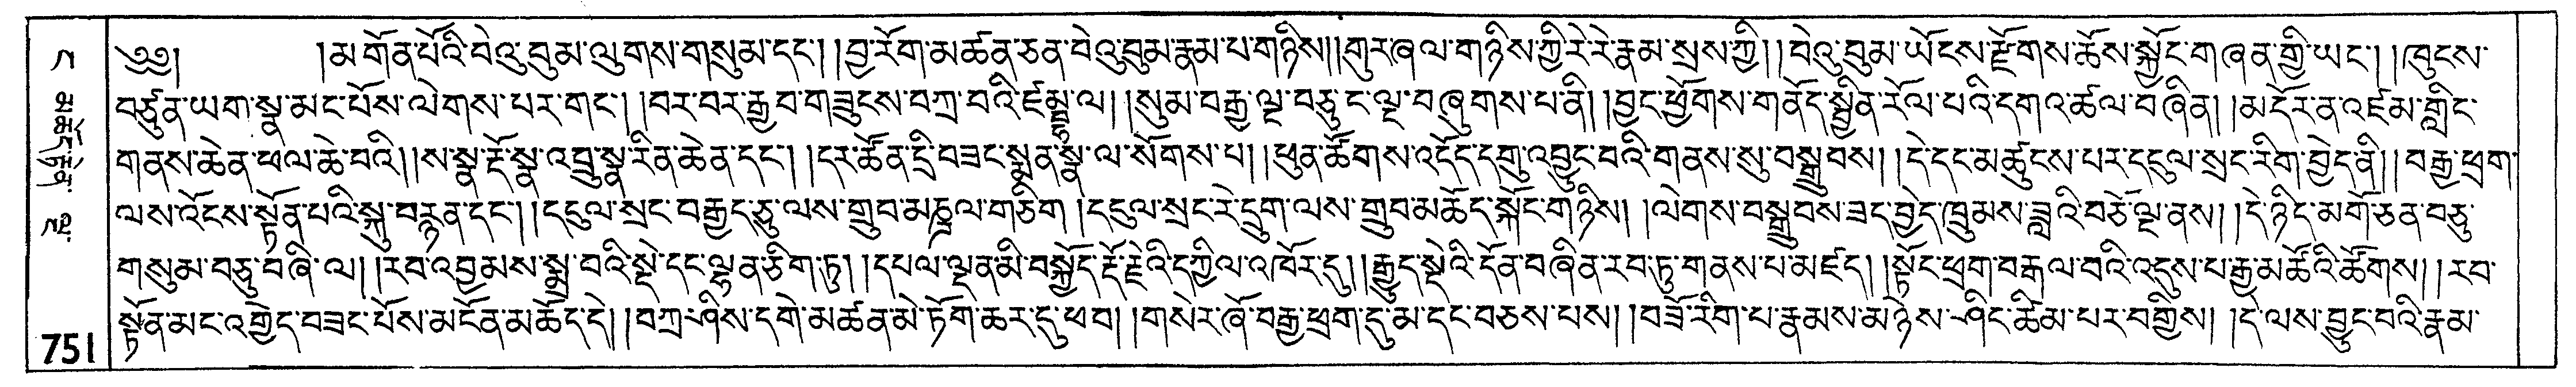༄༅། །མགོན་པོའི་བེའུ་བུམ་ལུགས་གསུམ་དང་། །བྱ་རོག་མཚན་ཅན་བེའུ་བུམ་རྣམ་པ་གཉིས། །གུར་ཞལ་གཉིས་ཀྱི་རེ་རེ་རྣམ་སྲས་ཀྱི། །བེའུ་བུམ་ཡོངས་རྫོགས་ཆོས་སྐྱོང་གཞན་གྱི་ཡང་། །ཁུངས་
བཙུན་ཡག་སྣ་མང་པོས་ལེགས་པར་གང་། །བར་བར་རྒྱབ་གཟུངས་བཀྲ་བའི་ཛམྦྷ་ལ། །སུམ་བརྒྱ་ལྔ་བཅུ་ང་ལྔ་བཞུགས་པ་ནི། །བྱང་ཕྱོགས་གནོད་སྦྱིན་རོལ་པའི་དགའ་འཚལ་བཞིན། །མདོར་ན་འཛམ་གླིང་
གནས་ཆེན་ཕལ་ཆེ་བའི། །ས་སྣ་རྡོ་སྣ་འབྲུ་སྣ་རིན་ཆེན་དང་། །དར་ཚོན་དྲི་བཟང་སྨན་སྣ་ལ་སོགས་པ། །ཕུན་ཚོགས་འདོད་དགུ་འབྱུང་བའི་གནས་སུ་བསྒྲུབས། །དེ་དང་མཚུངས་པར་དངུལ་སྲང་རིག་བྱེད་ནི། །བརྒྱ་ཕྲག་
ལས་འོངས་སྟོན་པའི་སྐུ་བརྙན་དང་། །དངུལ་སྲང་བརྒྱད་ཅུ་ལས་གྲུབ་མཎྜལ་གཅིག །དངུལ་སྲང་རེ་དྲུག་ལས་གྲུབ་མཆོད་སྐོང་གཉིས། །ལེགས་བསྒྲུབས་ཟད་བྱེད་ཁྲུམས་ཟླའི་བཅོ་ལྔ་ནས། །དེ་ཉིད་མགོ་ཅན་བཅུ་
གསུམ་བཅུ་བཞི་ལ། །རབ་འབྱམས་སྨྲ་བའི་སྡེ་དང་ལྷན་ཅིག་ཏུ། །དཔལ་ལྡན་མི་བསྐྱོད་རྡོ་རྗེའི་དཀྱིལ་འཁོར་དུ། །རྒྱུད་སྡེའི་དོན་བཞིན་རབ་ཏུ་གནས་པ་མཛད། །སྟོང་ཕྲག་བརྒལ་བའི་འདུས་པ་རྒྱ་མཚོའི་ཚོགས། །རབ་
སྟོན་མང་འགྱེད་བཟང་པོས་མངོན་མཆོད་དེ། །བཀྲ་ཤིས་དགེ་མཚན་མེ་ཏོག་ཆར་དུ་ཕབ། །གསེར་ཞོ་བརྒྱ་ཕྲག་དུ་མ་དང་བཅས་པས། །བཟོ་རིག་པ་རྣམས་མཉེས་ཤིང་ཚིམ་པར་བགྱིས། །དེ་ལས་བྱུང་བའི་རྣམ་